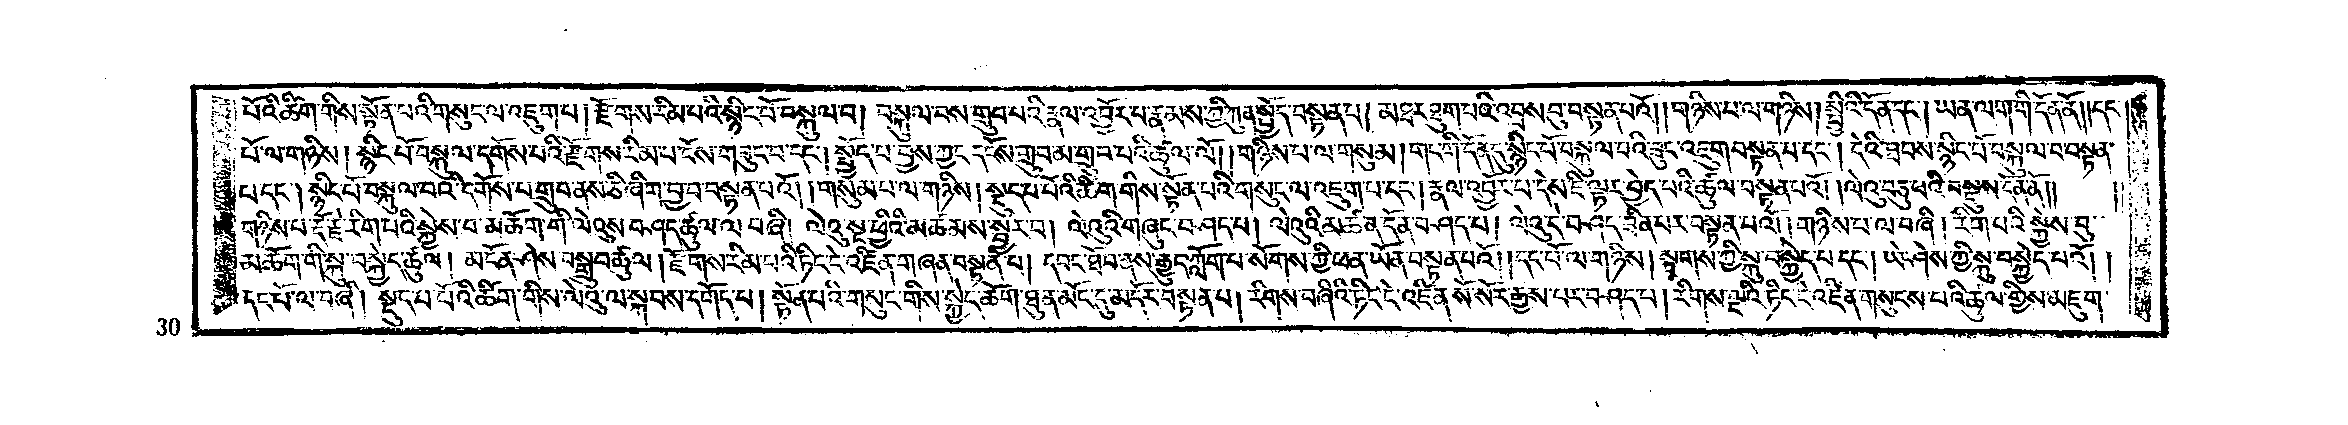པོའི་ཚིག་གིས་སྟོན་པའི་གསུང་ལ་འཇུག་པ། རྫོགས་རིམ་པའི་སྙིང་པོ་བསྐུལ་བ། བསྐུལ་བས་གྲུབ་པའི་རྣལ་འབྱོར་པ་རྣམས་ཀྱི་ཀུན་སྤྱོད་བསྟན་པ། མཐར་ཐུག་པའི་འབྲས་བུ་བསྟན་པའོ། །གཉིས་པ་ལ་གཉིས། སྤྱིའི་དོན་དང་། ཡན་ལག་གི་དོན་ནོ། །དང་
པོ་ལ་གཉིས། སྙིང་པོ་བསྐུལ་དགོས་པའི་རྫོགས་རིམ་པ་ངོས་གཟུང་བ་དང་། སྤྱོད་པ་བྱས་ཀྱང་དངོས་གྲུབ་མ་གྲུབ་པའི་ཚུལ་ལོ། །གཉིས་པ་ལ་གསུམ། གང་གི་དོན་དུ་སྙིང་པོ་བསྐུལ་བའི་ཟུང་འཇུག་བསྟན་པ་དང་། དེའི་ཐབས་སྙིང་པོ་བསྐུལ་བ་བསྟན་
པ་དང་། སྙིང་པོ་བསྐུལ་བའི་དགོས་པ་གྲུབ་ནས་ཅི་ཞིག་བྱ་བ་བསྟན་པའོ། །གསུམ་པ་ལ་གཉིས། སྡུད་པ་པོའི་ཚིག་གིས་སྟོན་པའི་གསུང་ལ་འཇུག་པ་དང་། རྣལ་འབྱོར་པ་དེས་ཇི་ལྟར་བྱེད་པའི་ཚུལ་བསྟན་པའོ། །ལེའུ་བཅུ་པའི་བསྡུས་དོན་ནོ།། །།
གཉིས་པ་རྡོ་རྗེ་རིག་པའི་སྐྱེས་བུ་མཆོག་གི་ལེའུས་བཤད་ཚུལ་ལ་བཞི། ལེའུ་སྔ་ཕྱིའི་མཚམས་སྦྱར་བ། ལེའུའི་གཞུང་བཤད་པ། ལེའུའི་མཚན་དོན་བཤད་པ། ལེའུ་དེ་བཤད་ཟིན་པར་བསྟན་པའོ། །གཉིས་པ་ལ་བཞི། རིག་པའི་སྐྱེས་བུ་
མཆོག་གི་སྐུ་བསྐྱེད་ཚུལ། མངོན་ཤེས་བསྒྲུབ་ཚུལ། རྫོགས་རིམ་པའི་ཏིང་ངེ་འཛིན་གཞན་བསྟན་པ། དབང་ཐོབ་ནས་རྒྱུད་ཀློག་པ་སོགས་ཀྱི་ཕན་ཡོན་བསྟན་པའོ། །དང་པོ་ལ་གཉིས། སྔགས་ཀྱི་སྐུ་བསྐྱེད་པ་དང་། ཡེ་ཤེས་ཀྱི་སྐུ་བསྐྱེད་པའོ། །
དང་པོ་ལ་བཞི། སྡུད་པ་པོའི་ཚིག་གིས་ལེའུ་ལ་སྐབས་དགོད་པ། སྟོན་པའི་གསུང་གིས་སྐྱེད་ཆོག་ཐུན་མོང་དུ་མདོར་བསྟན་པ། རིགས་བཞིའི་ཏིང་ངེ་འཛིན་སོ་སོར་རྒྱས་པར་བཤད་པ། རིགས་ལྔའི་ཏིང་ངེ་འཛིན་གསུངས་པའི་ཚུལ་གྱིས་མཇུག་